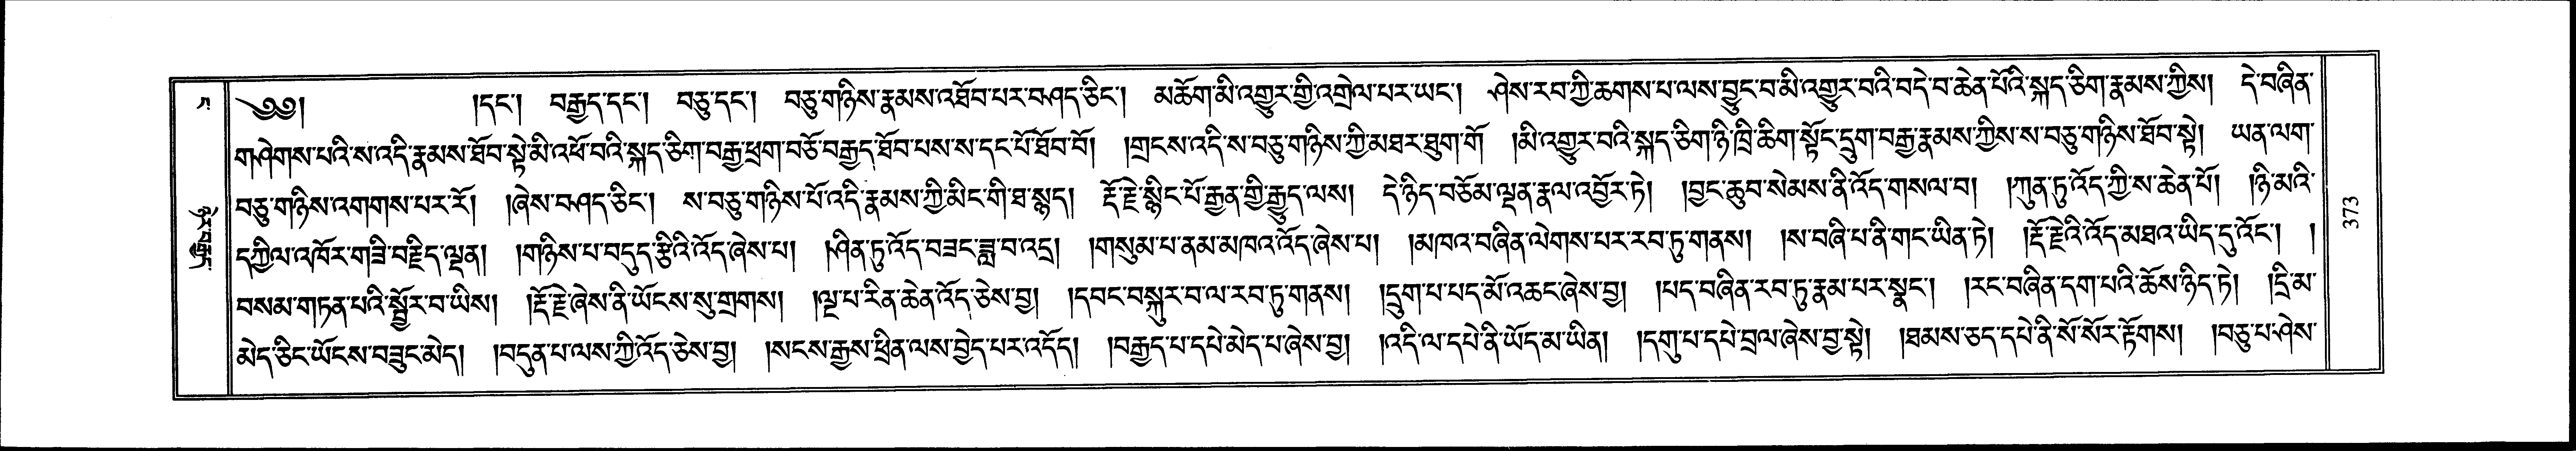༄༅། །དང་། བརྒྱད་དང་། བཅུ་དང་། བཅུ་གཉིས་རྣམས་འཐོབ་པར་བཤད་ཅིང་། མཆོག་མི་འགྱུར་གྱི་འགྲེལ་པར་ཡང་། ཤེས་རབ་ཀྱི་ཆགས་པ་ལས་བྱུང་བ་མི་འགྱུར་བའི་བདེ་བ་ཆེན་པོའི་སྐད་ཅིག་རྣམས་ཀྱིས། དེ་བཞིན་
གཤེགས་པའི་ས་འདི་རྣམས་ཐོབ་སྟེ་མི་འཕོ་བའི་སྐད་ཅིག་བརྒྱ་ཕྲག་བཅོ་བརྒྱད་ཐོབ་པས་ས་དང་པོ་ཐོབ་བོ། །གྲངས་འདི་ས་བཅུ་གཉིས་ཀྱི་མཐར་ཐུག་གོ །མི་འགྱུར་བའི་སྐད་ཅིག་ཉི་ཁྲི་ཆིག་སྟོང་དྲུག་བརྒྱ་རྣམས་ཀྱིས་ས་བཅུ་གཉིས་ཐོབ་སྟེ། ཡན་ལག་
བཅུ་གཉིས་འགགས་པར་རོ། །ཞེས་བཤད་ཅིང་། ས་བཅུ་གཉིས་པོ་འདི་རྣམས་ཀྱི་མིང་གི་ཐ་སྙད། རྡོ་རྗེ་སྙིང་པོ་རྒྱན་གྱི་རྒྱུད་ལས། དེ་ཉིད་བཅོམ་ལྡན་རྣལ་འབྱོར་ཏེ། །བྱང་ཆུབ་སེམས་ནི་འོད་གསལ་བ། །ཀུན་ཏུ་འོད་ཀྱི་ས་ཆེན་པོ། །ཉི་མའི་
དཀྱིལ་འཁོར་གཟི་བརྗིད་ལྡན། །གཉིས་པ་བདུད་རྩིའི་འོད་ཞེས་པ། །ཤིན་ཏུ་འོད་བཟང་ཟླ་བ་འདྲ། །གསུམ་པ་ནམ་མཁའ་འོད་ཞེས་པ། །མཁའ་བཞིན་ལེགས་པར་རབ་ཏུ་གནས། །ས་བཞི་པ་ནི་གང་ཡིན་ཏེ། །རྡོ་རྗེའི་འོད་མཐའ་ཡིད་དུ་འོང་། །
བསམ་གཏན་པའི་སྦྱོར་བ་ཡིས། །རྡོ་རྗེ་ཞེས་ནི་ཡོངས་སུ་གྲགས། །ལྔ་པ་རིན་ཆེན་འོད་ཅེས་བྱ། །དབང་བསྐུར་བ་ལ་རབ་ཏུ་གནས། །དྲུག་པ་པད་མོ་འཆང་ཞེས་བྱ། །པད་བཞིན་རབ་ཏུ་རྣམ་པར་སྣང་། །རང་བཞིན་དག་པའི་ཆོས་ཉིད་ཏེ། །དྲི་མ་
མེད་ཅིང་ཡོངས་བཟུང་མེད། །བདུན་པ་ལས་ཀྱི་འོད་ཅེས་བྱ། །སངས་རྒྱས་ཕྲིན་ལས་བྱེད་པར་འདོད། །བརྒྱད་པ་དཔེ་མེད་པ་ཞེས་བྱ། །འདི་ལ་དཔེ་ནི་ཡོད་མ་ཡིན། །དགུ་པ་དཔེ་བྲལ་ཞེས་བྱ་སྟེ། །ཐམས་ཅད་དཔེ་ནི་སོ་སོར་རྟོགས། །བཅུ་པ་ཤེས་